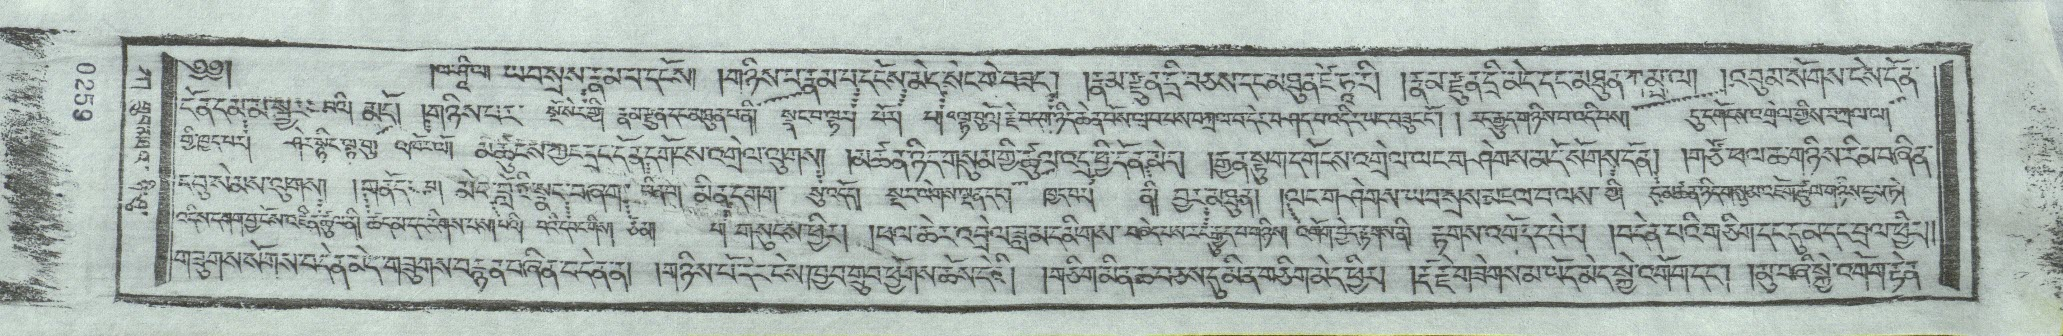༄༅། །ལ་ཤཱི་ལ། ཡབ་སྲས་རྣམ་པ་དངོས། །གཉིས་པ་རྣམ་པ་དངོས་མེད་སེང་གེ་བཟང་། །རྣམ་རྫུན་དྲི་བཅས་དང་མཐུན་ཛེ་ཏཱ་རི། །རྣམ་རྫུན་དྲི་མེད་དང་མཐུན་ཀ་མ་ལ། །འབུམ་སོགས་ངེས་དོན་
དོན་དམ་མ་སྦྱར་བའི། མདོ། །གཉིས་པར་སྔོ་སེར་གྱི། རྣམ་རྫུན་དང་མཐུན་པ་ནི། སྣང་བ་ལྟར། པོར། པ། ལྟ་བུའོ། རྗེ་བདག་ཉིད་ཆེན་པོས་ཡབ་བས་བཀྲལ་བ་དེར་བཤད་པ་འདིར་ཡང་བཟུང་ངོ། །རང་རྒྱུད་གཉིས་ལ་འདིར་ས། དུང་དགོངས་འབྲེལ་གྱིས་བཀྲ་ལ་པ།
བྱི་རྒྱད་པར། ཤང་སྙིང་ལྟ་བུ། འཁྲོ་ལོ། མཚུངས་ཀྱང་དྲང་དོན་དགོངས་འབྲེལ་ལུགས། །མཚན་ཉིད་གསུམ་གྱི་ཚུལ་འདྲ་ཕྱི་དོན་མེད། རྒྱན་སྟུག་དགོངས་འགྲེལ་ལང་གཤེགས་མདོ་སོགས་ངོན། །ཙོ་བལ་ཆ་གཉིས་རིམ་བཞིན་
དབུ་སེམས་ལུགས། །གནོད་བ། མེད་བློའི་སྣང་བཞག་ཡིན་པ། མིན་དགག་སུ་འདོད། སྡང་ལེགས་ལྡན་དང་། ཁྱད་པར། ནི། བྱར་མཐུན། །ལང་གཤེགས་ཡབ་སྲས་འཇལ་བ་ལས་ཀྱི། དུ་མཚན་ཉིད་གསུམ་འཆོག་རུས་གཉིས་བྱས?་ཏེ།
འདིས་བདག་བྱ་ངོས་འཛིན་ཚུལ་ནི། ཚད་མ་དང་རིགས་པས། པའི། པའི་དབང་ཞིས། ཅོས། པ། གསུངས་ཕྱིར། །ཕལ་ཆེར་འབྲེལ་ཟླ་མ་དམིགས་བཞེད་པས་རང་རྒྱུད་བ་གཉིས། བགོད་བྱེད་རྟགས་ནི། རྟགས་འགོད་?་ལེར། བདེན་པའི་གཅིག་དང་དུ་མ་དང་བྲལ་ཕྱིར།
གཟུགས་སོགས་བདེན་མེད་གཟུགས་བརྙན་བཞིན་བདེན། །གཉིས་པོ་དང་ངེས་ཁྱད་གྲུབ་ཕྱོགས་ཆོས་དེ་ཅི། །གཅིག་མིན་ཆ་བཅས་དུ་མིན་བཅག་མེད་ཕྱིར། །རྡོ་རྗེ་གཟེངས་ཆ་ལུ་མེད?་སྐྱེ་འགོག་དང་། མུ་བཞི་སྐྱེ་འགོས་རྟེན་